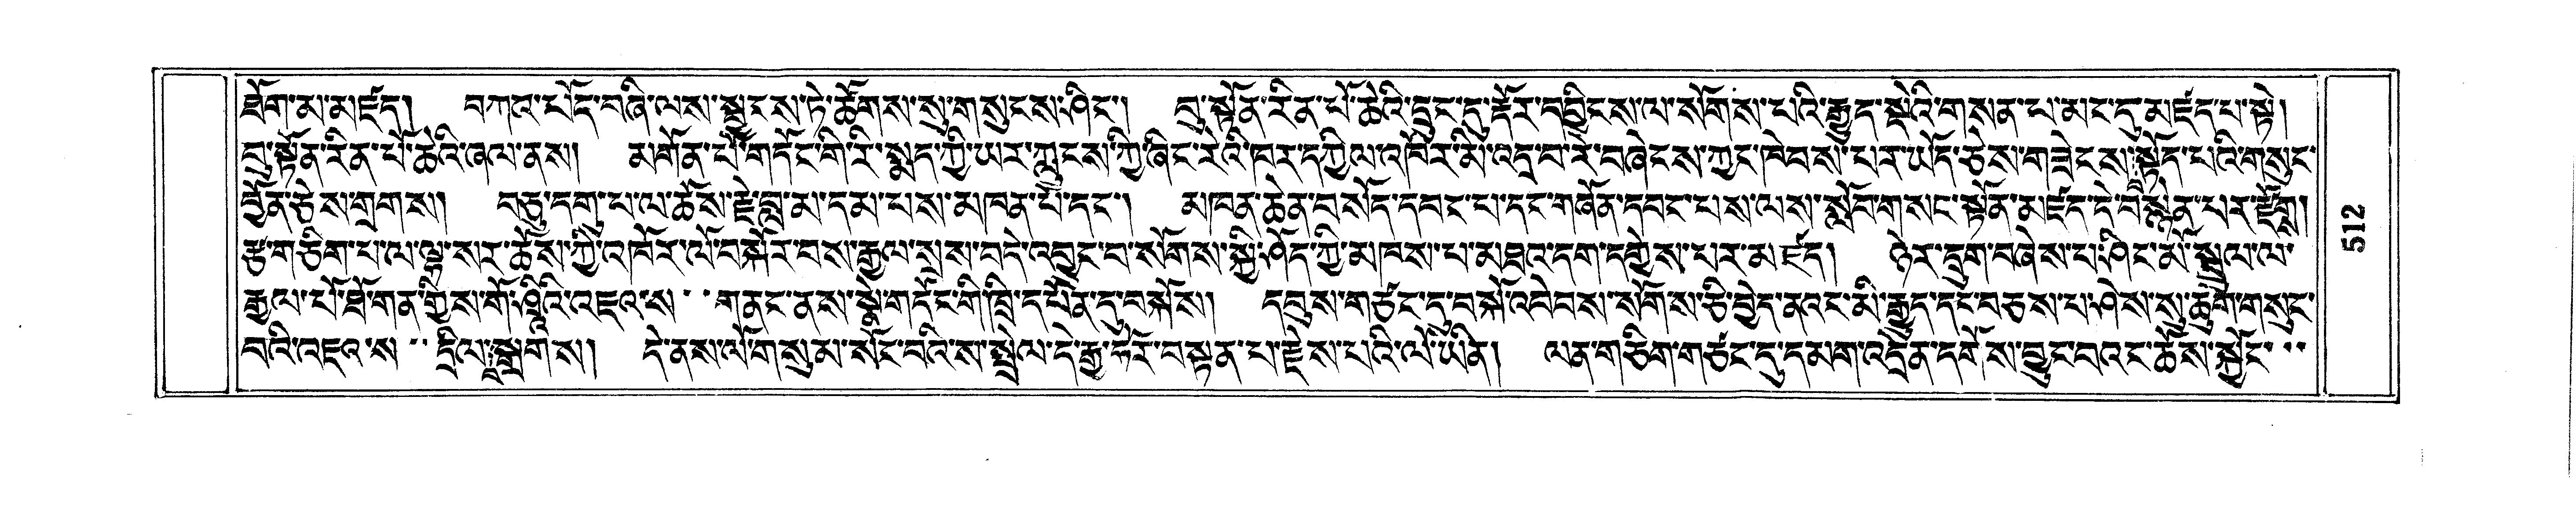ཐོག་མ་མཛད། བཀའ་པོད་བཞི་ལས་སྦྱངས་ཏེ་ཚོགས་སུ་གསུངས་ཤིང་། བུ་སྟོན་རིན་པོ་ཆེའི་དྲུང་དུ་རྡོར་དབྱིངས་ལ་སོགས་པའི་རྒྱུད་སྡེའི་གསན་པ་མང་དུ་མཛད་པ་སྟེ།
བུ་སྟོན་རིན་པོ་ཆེའི་ཞལ་ནས། མགོན་པོ་གདོང་གི་རི་སྨད་ཀྱི་ཡར་ཀླུངས་ཀྱི་ཞིང་རེའི་ཁར་དཀྱིལ་འཁོར་མི་འདྲ་བ་རེ་བཞེངས་ཀྱང་ཁེབས་པར་ཡོད་ཅེས་གཟེངས་བ་སྟོད་པའི་གསུང་
བྱོན་ཅེས་གྲགས། བཅུ་དགུ་པ་ལ་ཆོས་རྗེ་བླ་མ་དམ་པས་མཁན་པ་དང་། མཁན་ཆེན་བསོད་དབང་པ་དང་གཞོན་དབང་པས་ལས་སློབ་གསང་སྟོན་མཛད་དེ་བསྙེན་པར་རྫོགས།
རྩ་གཅིག་པ་ལ་ལྷ་སར་ཆོས་ཀྱི་འཁོར་ལོ་བསྐོར་བས་རྒྱལ་སྲས་བདེ་འབྱུང་བ་སོགས་སྐྱི་ཤོད་ཀྱི་མཁས་པ་མཐའ་དག་དགྱེས་པར་མཛད། ཉེར་དྲུག་བཞེས་པ་ཤིང་མོ་སྦྲུལ་ལ་
རྒྱལ་པོ་ཐོ་གན་གྱིས་གོ་ཤྲཱིའི་འཇའ་ས་གནང་ནས་སྣེ་གདོང་གི་ཁྲི་སྤོན་དུ་བསྐོས། དབུས་གཙང་དུ་བསྐོ་འབེབས་སོགས་ཅི་བྱེད་ནའང་མི་རྒྱུད་དང་བཅས་པ་ཤེས་སུ་ཆུག་གསུང་
བའི་འཇའ་ས་དྲིལ་བ་སྒྲགས། དེ་ནས་ལོ་གསུམ་སོང་བའི་ས་སྤྲེལ་དེ་རྒྱ་ཧོར་བསྟན་པ་རྗེས་པའི་ལོ་ཡིན། ལན་གཅིག་གཙང་དུ་དམག་འདྲེན་དགོས་བྱུང་བའང་ཆོས་སྐྱོང་